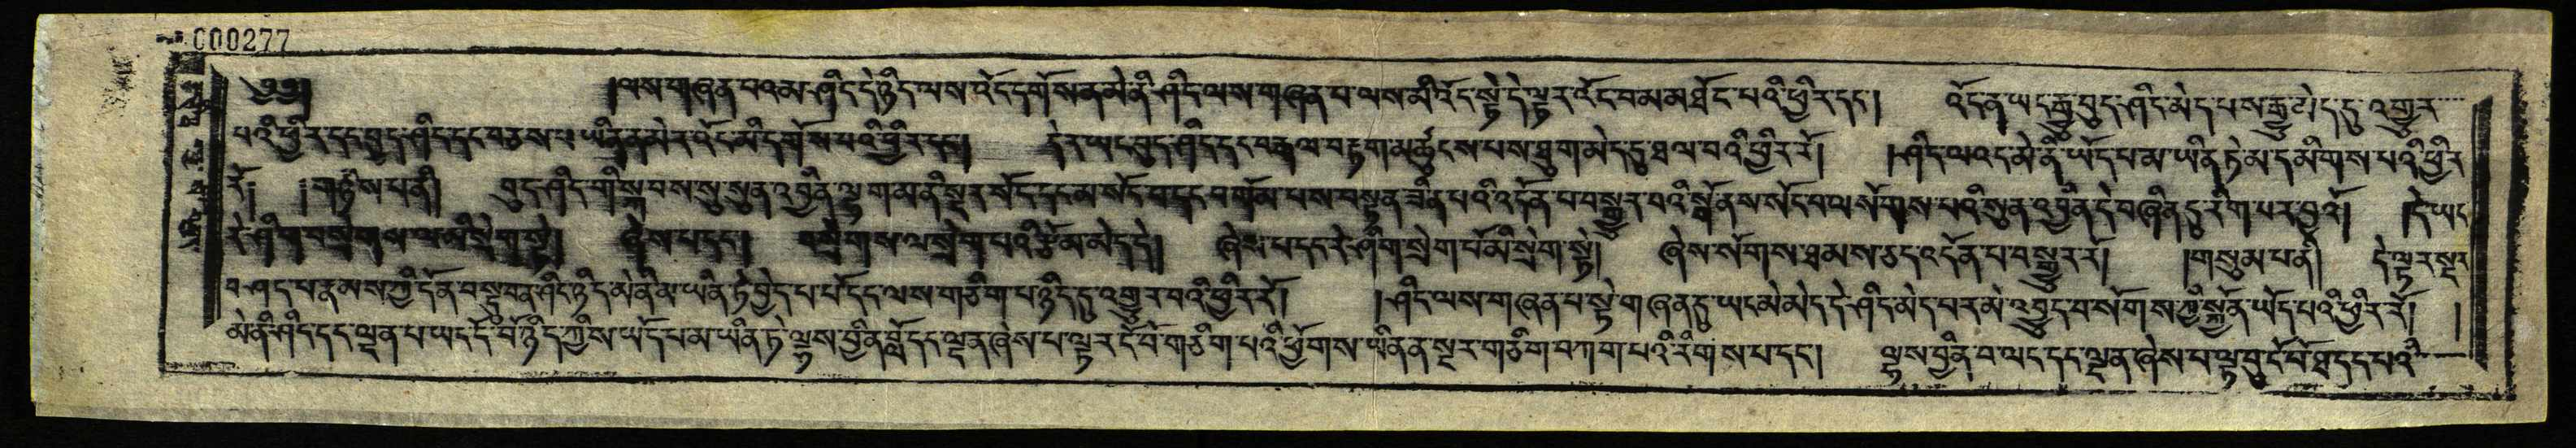༄༅། །ལས་གཞན་པའམ་ཤིང་དེ་ཉིད་ལས་འོང་དགོས་ན་མེ་ནི་ཤིང་ལས་གཞན་པ་ལས་མི་འོང་སྟེ་དེ་ལྟར་འོང་བ་མ་མཐོང་བའི་ཕྱིར་དང་། འོང་ན་ཡང་རྒྱུ་བུད་ཤིང་མེད་པས་རྒྱུ་མེད་དུ་འགྱུར་
པའི་ཕྱིར་དང་བུད་ཤིང་དང་བཅས་པ་ཡིན་ན་མེར་འོང་མི་དགོས་པའི་ཕྱིར་དང་། དེར་ཡང་བུད་ཤིང་དང་བརྒལ་བརྟག་མཚུངས་པས་ཐུག་མེད་དུ་ཐལ་བའི་ཕྱིར་རོ། །ཤིང་ལའང་མེ་ནི་ཡོད་པ་མ་ཡིན་ཏེ་མ་དམིགས་པའི་ཕྱིར་
རོ༑ ༑གཉིས་པ་ནི། བུད་ཤིང་གི་སྐབས་སུ་སུན་འབྱིན་ལྷག་མ་ནི་སྔར་སོང་དང་མ་སོང་བ་དང་བགོམ་པས་བསྟན་ཟིན་པའི་འདོན་པ་བསྒྱུར་བའི་སྒོ་ནས་སོང་བ་ལ་སོགས་པའི་སུན་འབྱིན་དེ་བཞིན་དུ་རིག་པར་བྱའོ། །དེ་ཡང་
རེ་ཤིག་བསྲེགས་ལ་མི་སྲེག་སྟེ། ཞེས་པ་དང་། བསྲེགས་ལ་སྲེག་པའི་རྩོམ་མེད་དེ། ཞེས་པ་དང་རེ་ཤིག་སྲེག་པོ་མི་སྲེག་སྟེ། ཞེས་སོགས་ཐམས་ཅད་འདོན་པ་བསྒྱུར་རོ། །གསུམ་པ་ནི། དེ་ལྟར་སྔར་
བཤད་པ་རྣམས་ཀྱི་དོན་བསྡུ་བ་ན་ཤིང་ཉིད་མེ་ནི་མ་ཡིན་ཏེ་བྱེད་པ་པོ་དང་ལས་གཅིག་པ་ཉིད་དུ་འགྱུར་བའི་ཕྱིར་རོ། །ཤིང་ལས་གཞན་པ་སྟེ་གཞན་དུ་ཡང་མེ་མེད་དེ་ཤིང་མེད་པར་མེ་འབྱུང་བ་སོགས་ཀྱི་སྐྱོན་ཡོད་པའི་ཕྱིར་རོ། །
མེ་ནི་ཤིང་དང་ལྡན་པ་ཡང་ངོ་བོ་ཉིད་ཀྱིས་ཡོད་པ་མ་ཡིན་ཏེ་ལྷས་བྱིན་བློ་དང་ལྡན་ཞེས་པ་ལྟར་ངོ་བོ་གཅིག་པའི་ཕྱོགས་ཡིན་ན་སྔར་གཅིག་བཀག་པའི་རིགས་པ་དང་། ལྷས་བྱིན་བ་ལང་དང་ལྡན་ཞེས་པ་ལྟ་བུ་ངོ་བོ་ཐ་དད་པའི་